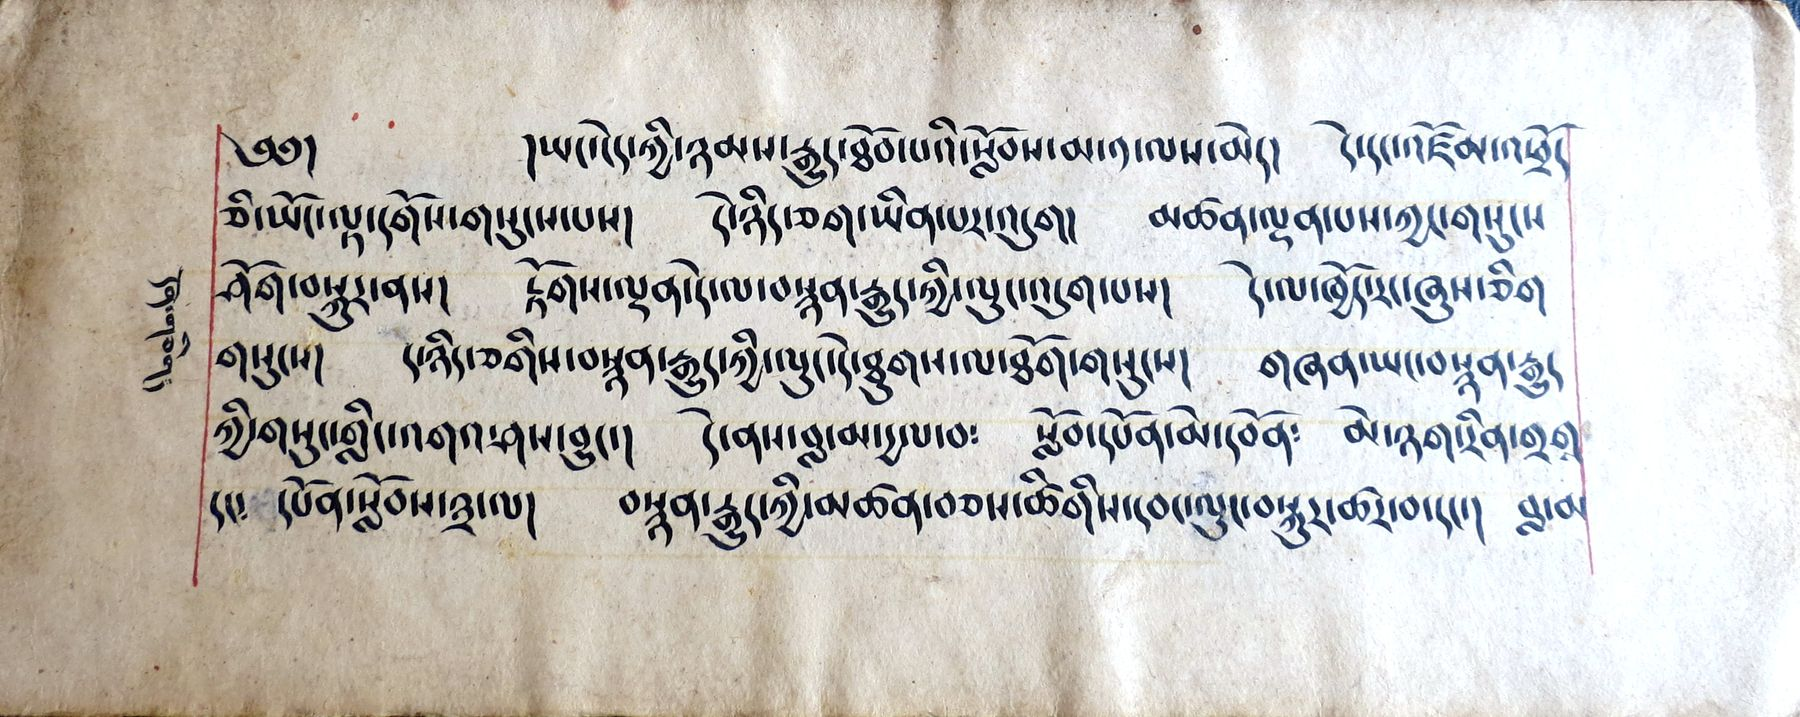ཡང་ངེད་ཀྱི་ཉམས་རྒྱུད་ཐོབ་པའི་སློབ་མ་གཅིག་ལས་མེད། དེ་དང་འཛོམ་འཕྲོད་
ཅི་ཡོང་ལྟ་དགོས་གསུངས་པས། དེ་ཉིད་ཅག་ཡིན་པར་འདུག མཚན་ལྡན་པས་ཀྱང་གསུང་
ཤོག་བསྐུར་ནས། རྟོགས་ལྡན་དེ་ལ་སྙན་རྒྱུད་ཀྱི་ལུང་འདུག་པས། དེ་ལ་ཁྱེད་རང་ཞུས་ཤིག་
གསུངས། ད་ཉིད་ཅག་གིས་སྙན་རྒྱུད་ཀྱི་ལུང་འདི་ཐུགས་ལ་ཐོགས་གསུངས། གཞན་ཡང་སྙན་རྒྱུད་
ཀྱི་གསུང་གླེང་འགའ་ཤས་བྱུང་། དེ་ནས་བླ་མ་རྒྱལ་བ། སློབ་དཔོན་མེ་དབོན། མེ་ཉག་རིན་གྲགས་
དང་། དཔོན་སློབ་གསུམ་ལ་སྙན་རྒྱུད་ཀྱི་མཚན་བཅས་ཚིག་གི་དབང་ལུང་བསྐུར་ཚར་བ་དང་། བླ་མ་